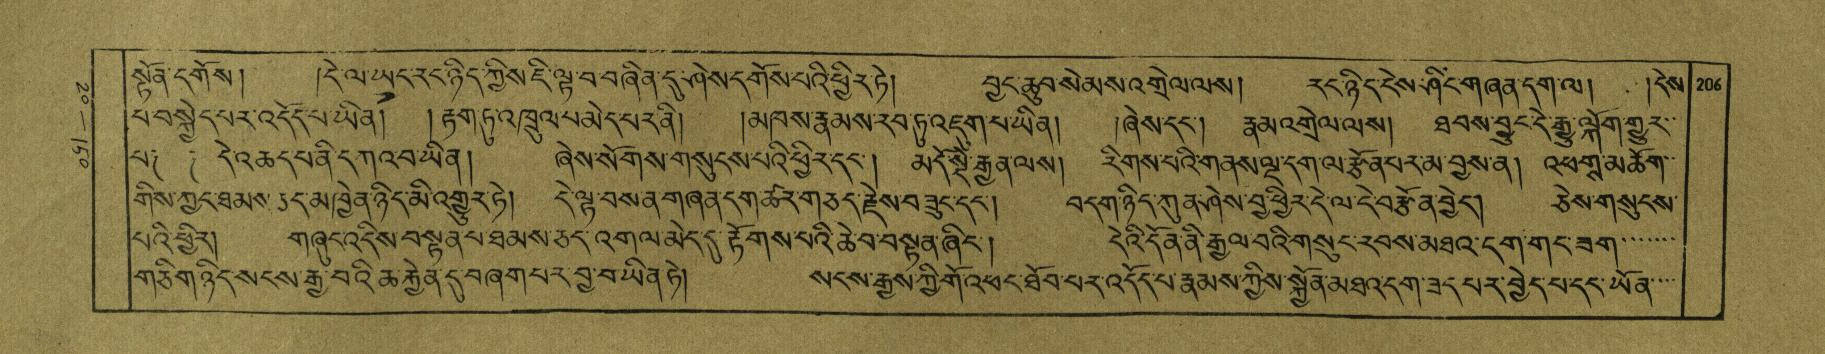སྟོན་དགོས། །དེ་ལ་ཡང་རང་ཉིད་ཀྱིས་ཇི་ལྟ་བ་བཞིན་དུ་ཤེས་དགོས་པའི་ཕྱིར་ཏེ། བྱང་ཆུབ་སེམས་འགྲེལ་ལས། རང་ཉིད་ངེས་ཤིང་གཞན་དག་ལ། །ངེས་
པ་བསྐྱེད་པར་འདོད་པ་ཡིན། །རྟག་ཏུ་འཁྲུལ་པ་མེད་པར་ནི། །མཁས་རྣམས་རབ་ཏུ་འཇུག་པ་ཡིན། །ཞེས་དང་། རྣམ་འགྲེལ་ལས། ཐབས་བྱུང་དེ་རྒྱུ་ལྐོག་གྱུར་
པ༑ ༑དེ་འཆད་པ་ནི་དཀའ་བ་ཡིན། ཞེས་སོགས་གསུངས་པའི་ཕྱིར་དང་། མདོ་སྡེ་རྒྱན་ལས། རིགས་པའི་གནས་ལྔ་དག་ལ་རྩོན་པར་མ་བྱས་ན། འཕགས་མཆོག་
གིས་ཀྱང་ཐམས་ཅད་མཁྱེན་ཉིད་མི་འགྱུར་ཏེ། དེ་ལྟ་བས་ན་གཞན་དག་ཚར་གཅད་རྗེས་བཟུང་དང་། བདག་ཉིད་ཀུན་ཤེས་བྱ་ཕྱིར་དེ་ལ་དེ་བརྩོན་བྱེད། ཅེས་གསུངས་
པའི་ཕྱིར། གཞུང་འདིས་བསྟན་པ་ཐམས་ཅད་འགལ་མེད་དུ་རྟོགས་པའི་ཆེ་བ་བསྟན་ཞིང་། དེའི་དོན་ནི་རྒྱལ་བའི་གསུང་རབས་མཐའ་དག་གང་ཟག་
གཅིག་ཉིད་སངས་རྒྱ་བའི་ཆ་རྐྱེན་དུ་བཞག་པར་བྱ་བ་ཡིན་ཏེ། སངས་རྒྱས་ཀྱི་གོ་འཕང་ཐོབ་པར་འདོད་པ་རྣམས་ཀྱིས་སྐྱོན་མཐའ་དག་ཟད་པར་བྱེད་པ་དང་ཡོན་